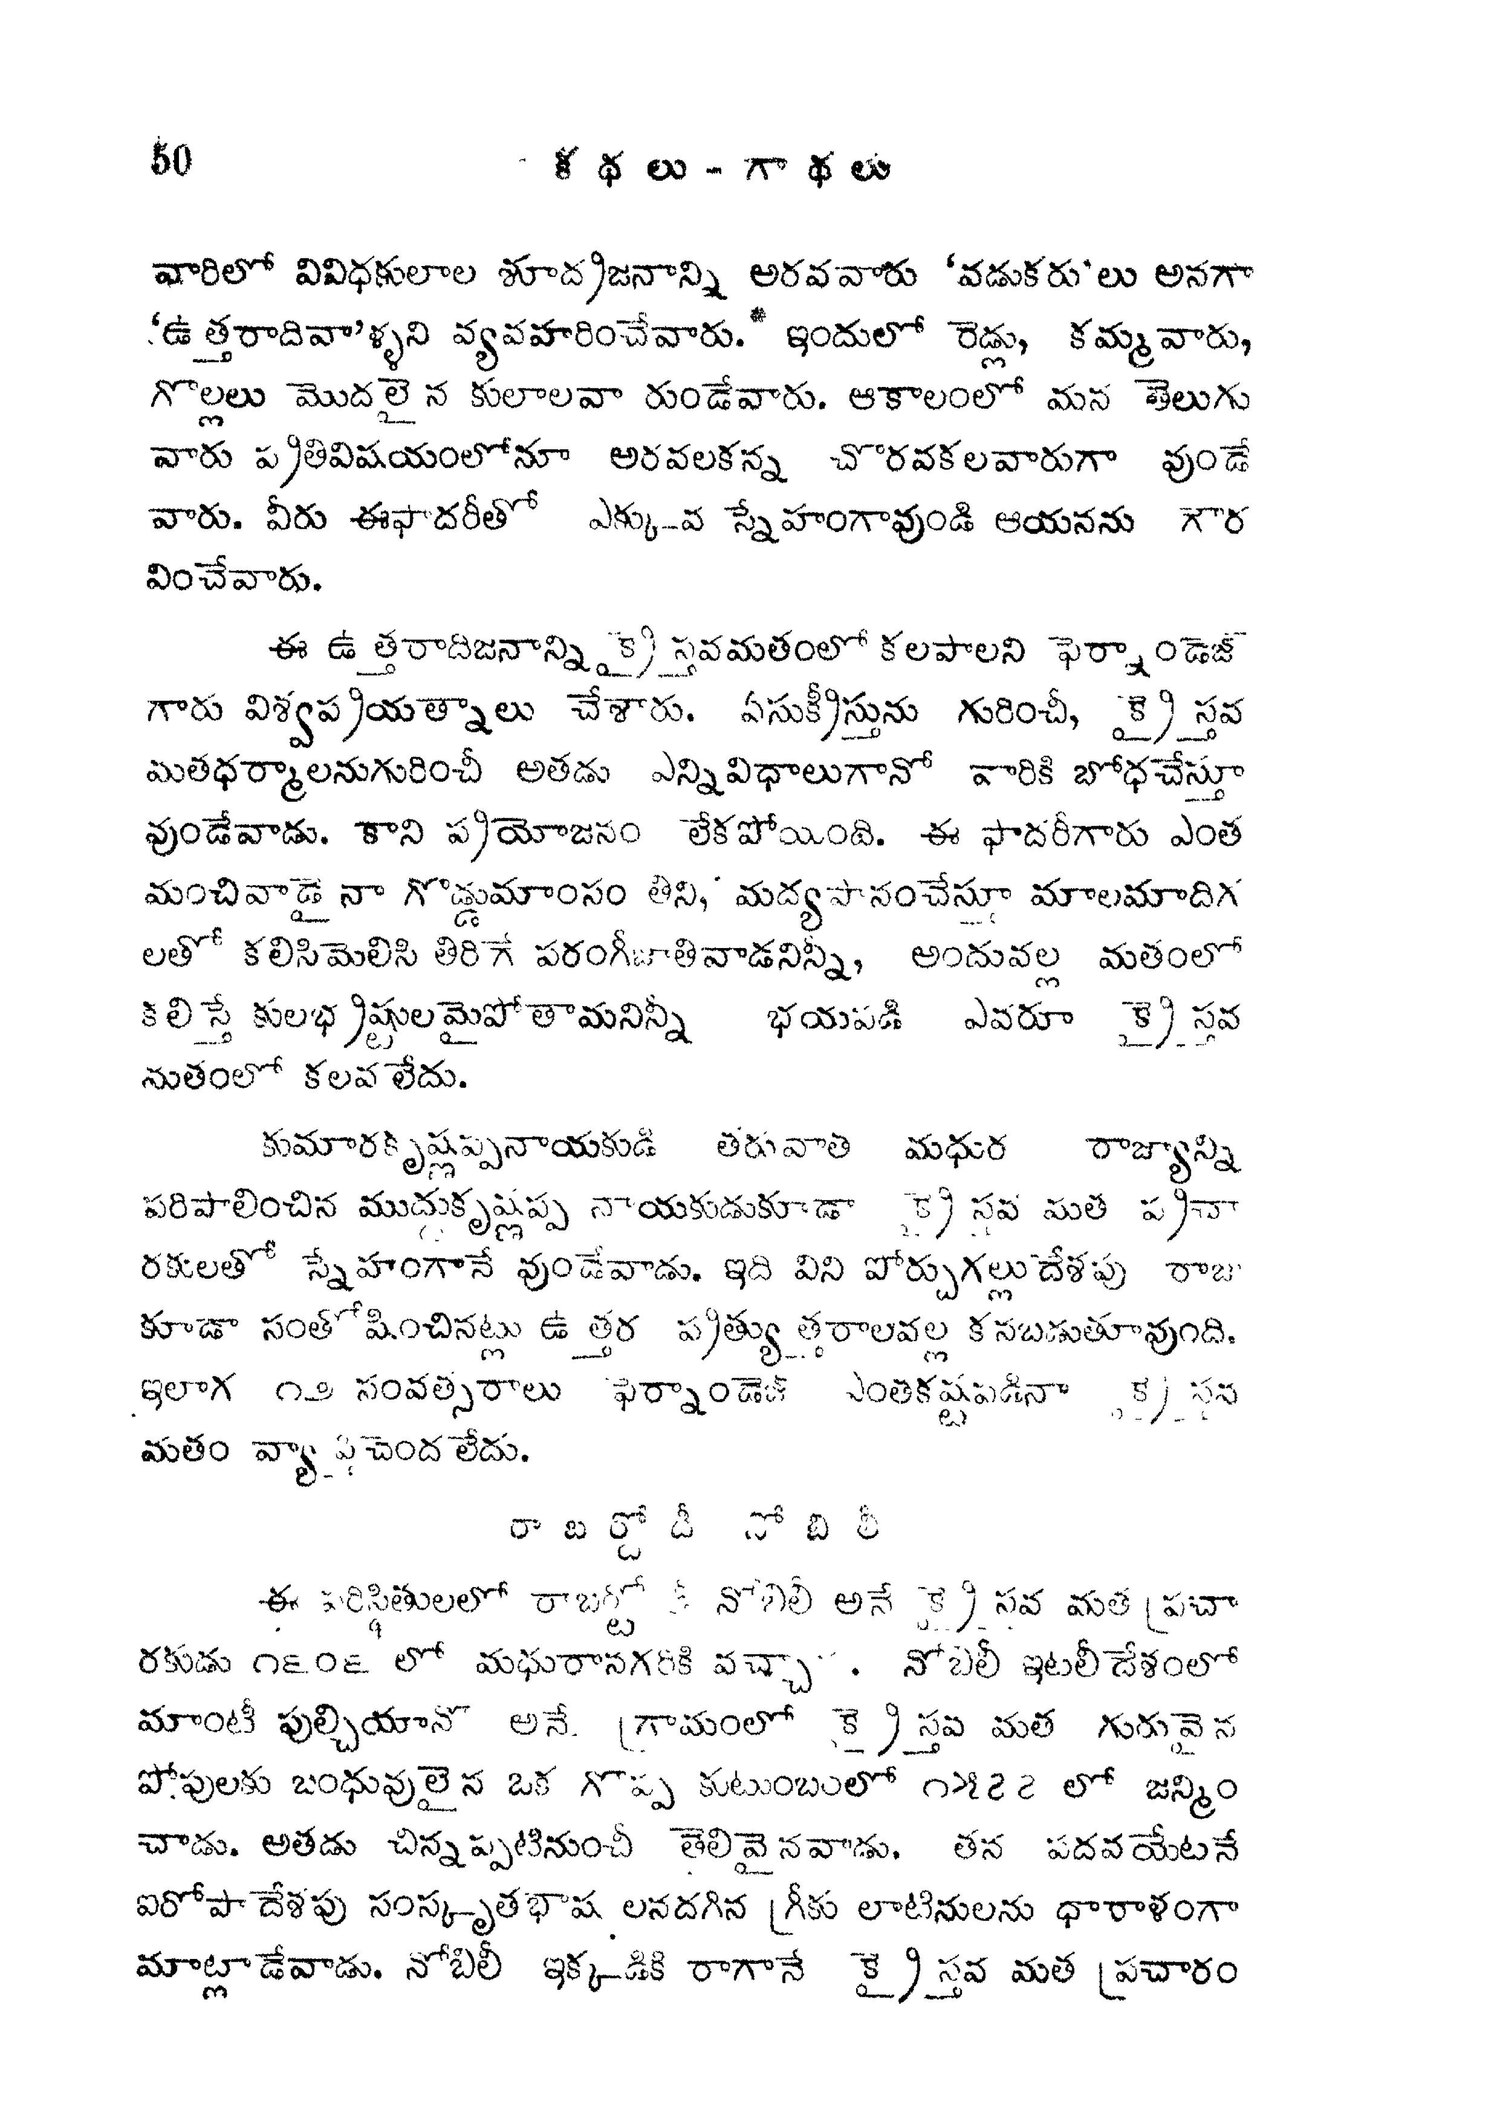వారిలో వివిధకులాల శూద్రజనాన్నిఅరవవారు 'వడుకరు' లు అనగా 'ఉత్తరాదివా'ళ్ళని వ్యవహరించేవారు. ఇందులో రెడ్లు, కమ్మవారు, గొల్లలు మొదలైన కులాలవా రుండేవారు. ఆకాలంలొ మన తెలుగువారు ప్రతివిషయంలోనూ అరవలకన్న చొరవకలవారుగా వుండేవారు, వీరు ఈఫాదరీతొ ఎక్కువ స్నేహంగా వుండి ఆయనను గౌరవించేవారు.

ఈ ఉత్తరాదిజనాన్ని క్రైస్తవమతంలో కలపాలని ఫెర్నాండెజ్ గారు విశ్వప్రయత్నాలు చేశారు. ఏసుక్రీస్తును గురించీ, క్రైస్తవమతధర్మాలను గురించీ అతడు ఎన్నివిధాలుగానో వారికి బోధచేస్తూ వుండేవాడు. కాని ప్రయోజనం లేకపోయింది. ఈ ఫాదరీగారు ఎంత మంచివాడైనా గొడ్దుమాంసం తిని, మద్యపానం చేస్తూ మాలమాదిగలతో కలిసిమెలసి తిరిగేజాతివాడనిన్నీ, అందువల్ల మతంలో కలిస్తే కులభ్రష్టులమైపోతామనిన్నీ భయపడి ఎవరూ క్రైస్తవ మతంలో కలవలేదు.

కుమారకృష్ణమనాయకుడి తరువాత మధుర రాజ్యాన్ని పరిపాలించిన ముద్దుకృష్ణఫ్ఫ నాయకుడుకూడా క్రైస్తవమత ప్రచారకులతో స్నేహంగానే వుండేవాడు. ఇది విని పోర్చుగల్లుదేశపు రాజుకూడా సంతోషించినట్లు ఉత్తర ప్రత్త్యుత్తరాలవల్ల కనబడుతూవుంది. ఇలాగ 12 సంవత్సరాలు ఫెర్నాండెజ్ ఎంతకష్టపడినా క్రైస్తవమతం వ్యాపింపలేదు.

 
ఈ పరిస్థితులలో రాబర్టో డీ నొబిలీ అనే క్రైస్తవ మతప్రచారకుడు 1606 లో మధురానగరానికి వచ్చాడు. నొబిలీ ఇటలీదేశంలో మాంటీ పుల్చియానో అనే గ్రామంలో క్రైస్తవ మత గురువైన పోపులకు బంధువులైన గొప్ప కుటుంబంలో 1577 లో జన్మించారు. అతడు చిన్నప్పటినుంచీ తెలివైనవాడు. తన పదవయేటనే ఐరోపా దేశపు సంస్కృతభాష లనదగిన గ్రీక్ లాటినులను ధారాళంగా మాట్లాడేవాడు. నోబెలీ ఇక్కడి రాగానే మత ప్రచారం